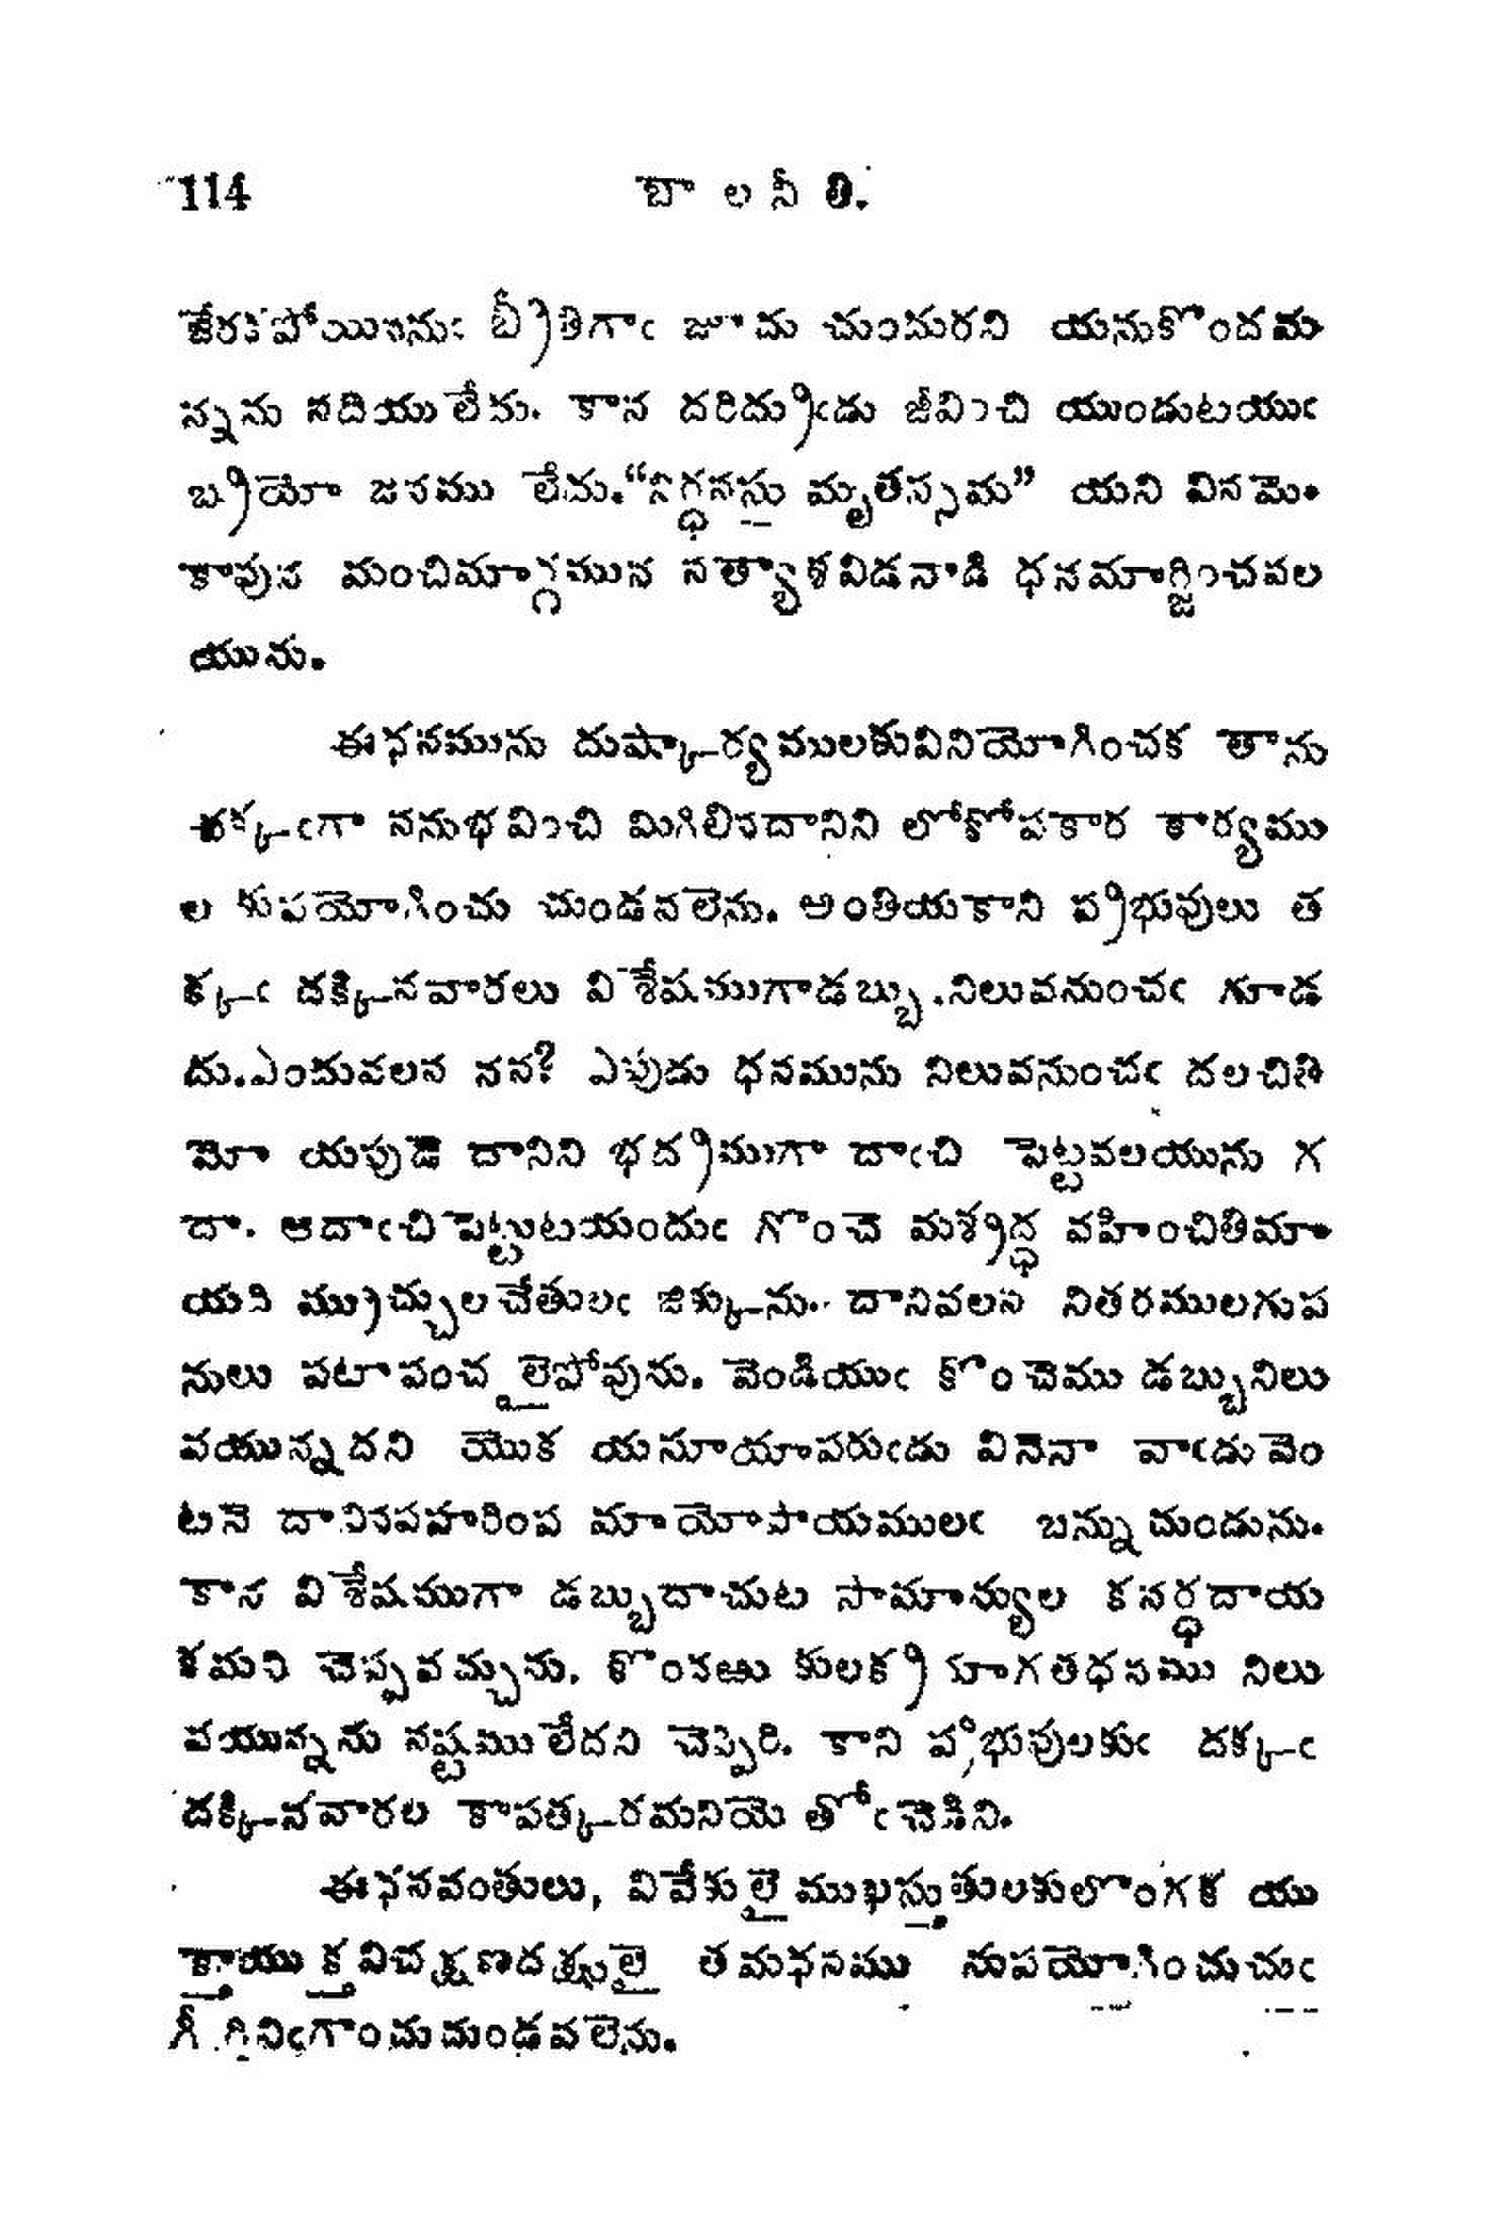జేరకపోయిననుఁ బ్రీతిగాఁ జూచు చుందురని యనుకొందమ
న్నను నదియులేదు. కాన దరిద్రుఁడు జీవించి యుండుటయుఁ 
బ్రయోజనము లేదు. "నిర్ధనస్తు మృతస్సమ" యని వినమో 
కావున మంచిమార్గమున నత్యాశవిడనాడి ధనమార్జించవల
యును.

ఈధనమును దుష్కార్యములకు వినియొగించక తాను 
చక్కఁగా ననుభవించి మిగిలినదానిని లోకోపకార కార్యము
ల కుపయోగించు చుండవలెను. అంతియకాని ప్రభువులు త
క్కఁ దక్కినవారలు విశేషముగాడబ్బు నిలువనుంచఁ గూడ
దు. ఎందువలన నన? ఎపుడు ధనమును నిలువనుంచఁ దలచితి
మో యపుడె దానిని భద్రముగా దాఁచి పెట్టవలయును. గ
దా. ఆదాఁచిపెట్టుటయందుఁ గొంచె మశ్రద్ధ వహించితిమా 
యది మ్రుచ్చులచేతులఁ జిక్కును. దానివలన నితరములగుప
నులు పటాపంచలైపోవును. వెండియుఁ కొంచెము డబ్బునిలు
వయున్నదని యొక యసూయాపరుఁడు వినెనా వాఁడువెం
టనె దానినపహరింప మాయోపాయములఁ బన్నుచుండును. 
కాన విశేషముగా డబ్బుదాచుట సామాన్యుల కనర్ధదాయ
కమని చెప్పవచ్చును. కొందఱు కులక్రమాగతధనము నిలు
వయున్నను నష్టములేదని చెప్పిరి. కాని ప్రభువులకుఁ దక్కఁ 
దక్కినవారల లాపత్కరమనియె తోఁచెడిని.

ఈధనవంతులు, వివేకులైముఖస్తుతులకులొంగక యు
క్తాయుక్తవిచక్షణదక్షులై తమధనము నుపయోగించుచుఁ 
గీర్తినిఁగాంచుచుండవలెను.